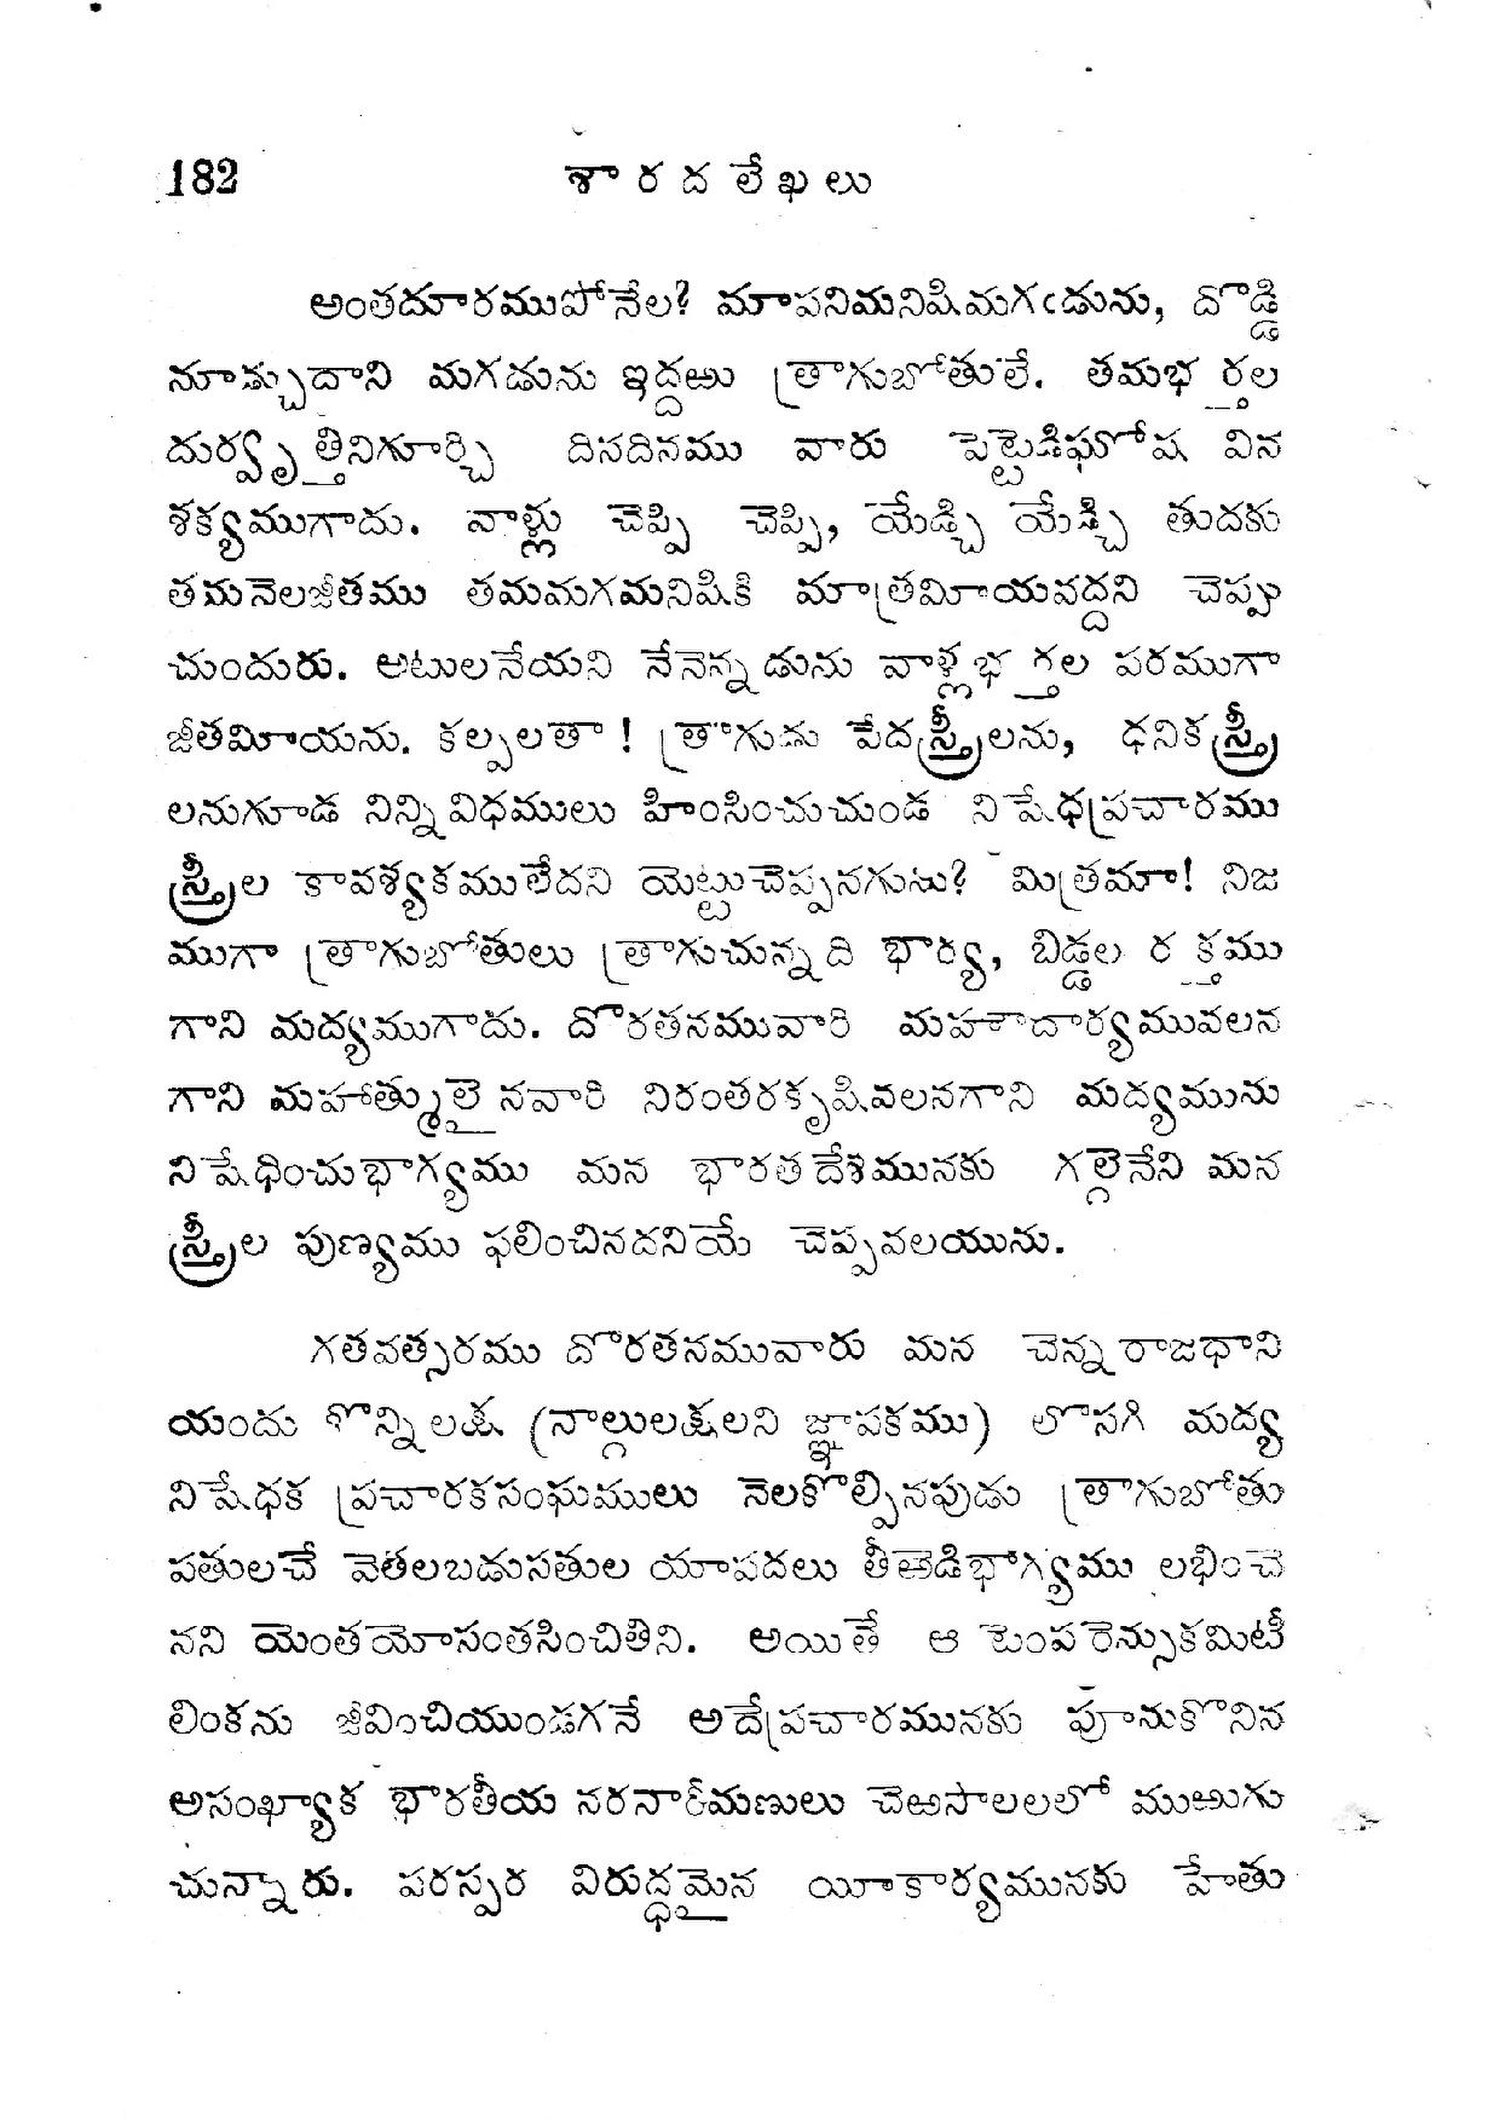అంతదూరముపోనేల? మాపనిమనిషిమగఁడును, దొడ్డినూడ్చుదాని మగడును ఇద్దఱు త్రాగుబోతులే. తమభర్తల దుర్వృత్తినిగూర్చి దినదినము వారు పెట్టెడిఘోష విన శక్యముగాదు. వాళ్లు చెప్పి చెప్పి, యేడ్చి యేడ్చి తుదకు తమనెలజీతము తమమగమనిషికి మాత్రమీయవద్దని చెప్పుచుందురు. అటులనేయని నేనెన్నడును వాళ్లభర్తల పరముగా జీతమీయను. కల్పలతా ! త్రాగుడు పేదస్త్రీలను, ధనికస్త్రీలనుగూడ నిన్నివిధములు హింసించుచుండ నిషేధప్రచారము స్త్రీల కావశ్యకములేదని యెట్టుచెప్పనగుసు? మిత్రమా! నిజముగా త్రాగుబోతులు త్రాగుచున్నది భార్య, బిడ్డల రక్తముగాని మద్యముగాదు. దొరతనమువారి మహౌదార్యమువలన గాని మహాత్ములైనవారి నిరంతరకృషివలనగాని మద్యమును నిషేధించుభాగ్యము మన భారతదేశమునకు గల్గెనేని మన స్త్రీల పుణ్యము ఫలించినదనియే చెప్పవలయును.

గతవత్సరము దొరతనమువారు మన చెన్నరాజధాని యందు కొన్నిలక్ష (నాల్గులక్షలని జ్ఞాపకము) లొసగి మద్య నిషేధక ప్రచారకసంఘములు నెలకొల్పినపుడు త్రాగుబోతు పతులచే వెతలబడుసతుల యాపదలు తీఱెడిభాగ్యము లభించెనని యెంతయోసంతసించితిని. అయితే ఆ టెంపరెన్సుకమిటీ లింకను జీవించియుండగనే అదేప్రచారమునకు పూనుకొనిన అసంఖ్యాక భారతీయ నరనారీమణులు చెఱసాలలలో ముఱుగుచున్నారు. పరస్పర విరుద్ధమైన యీకార్యమునకు హేతు